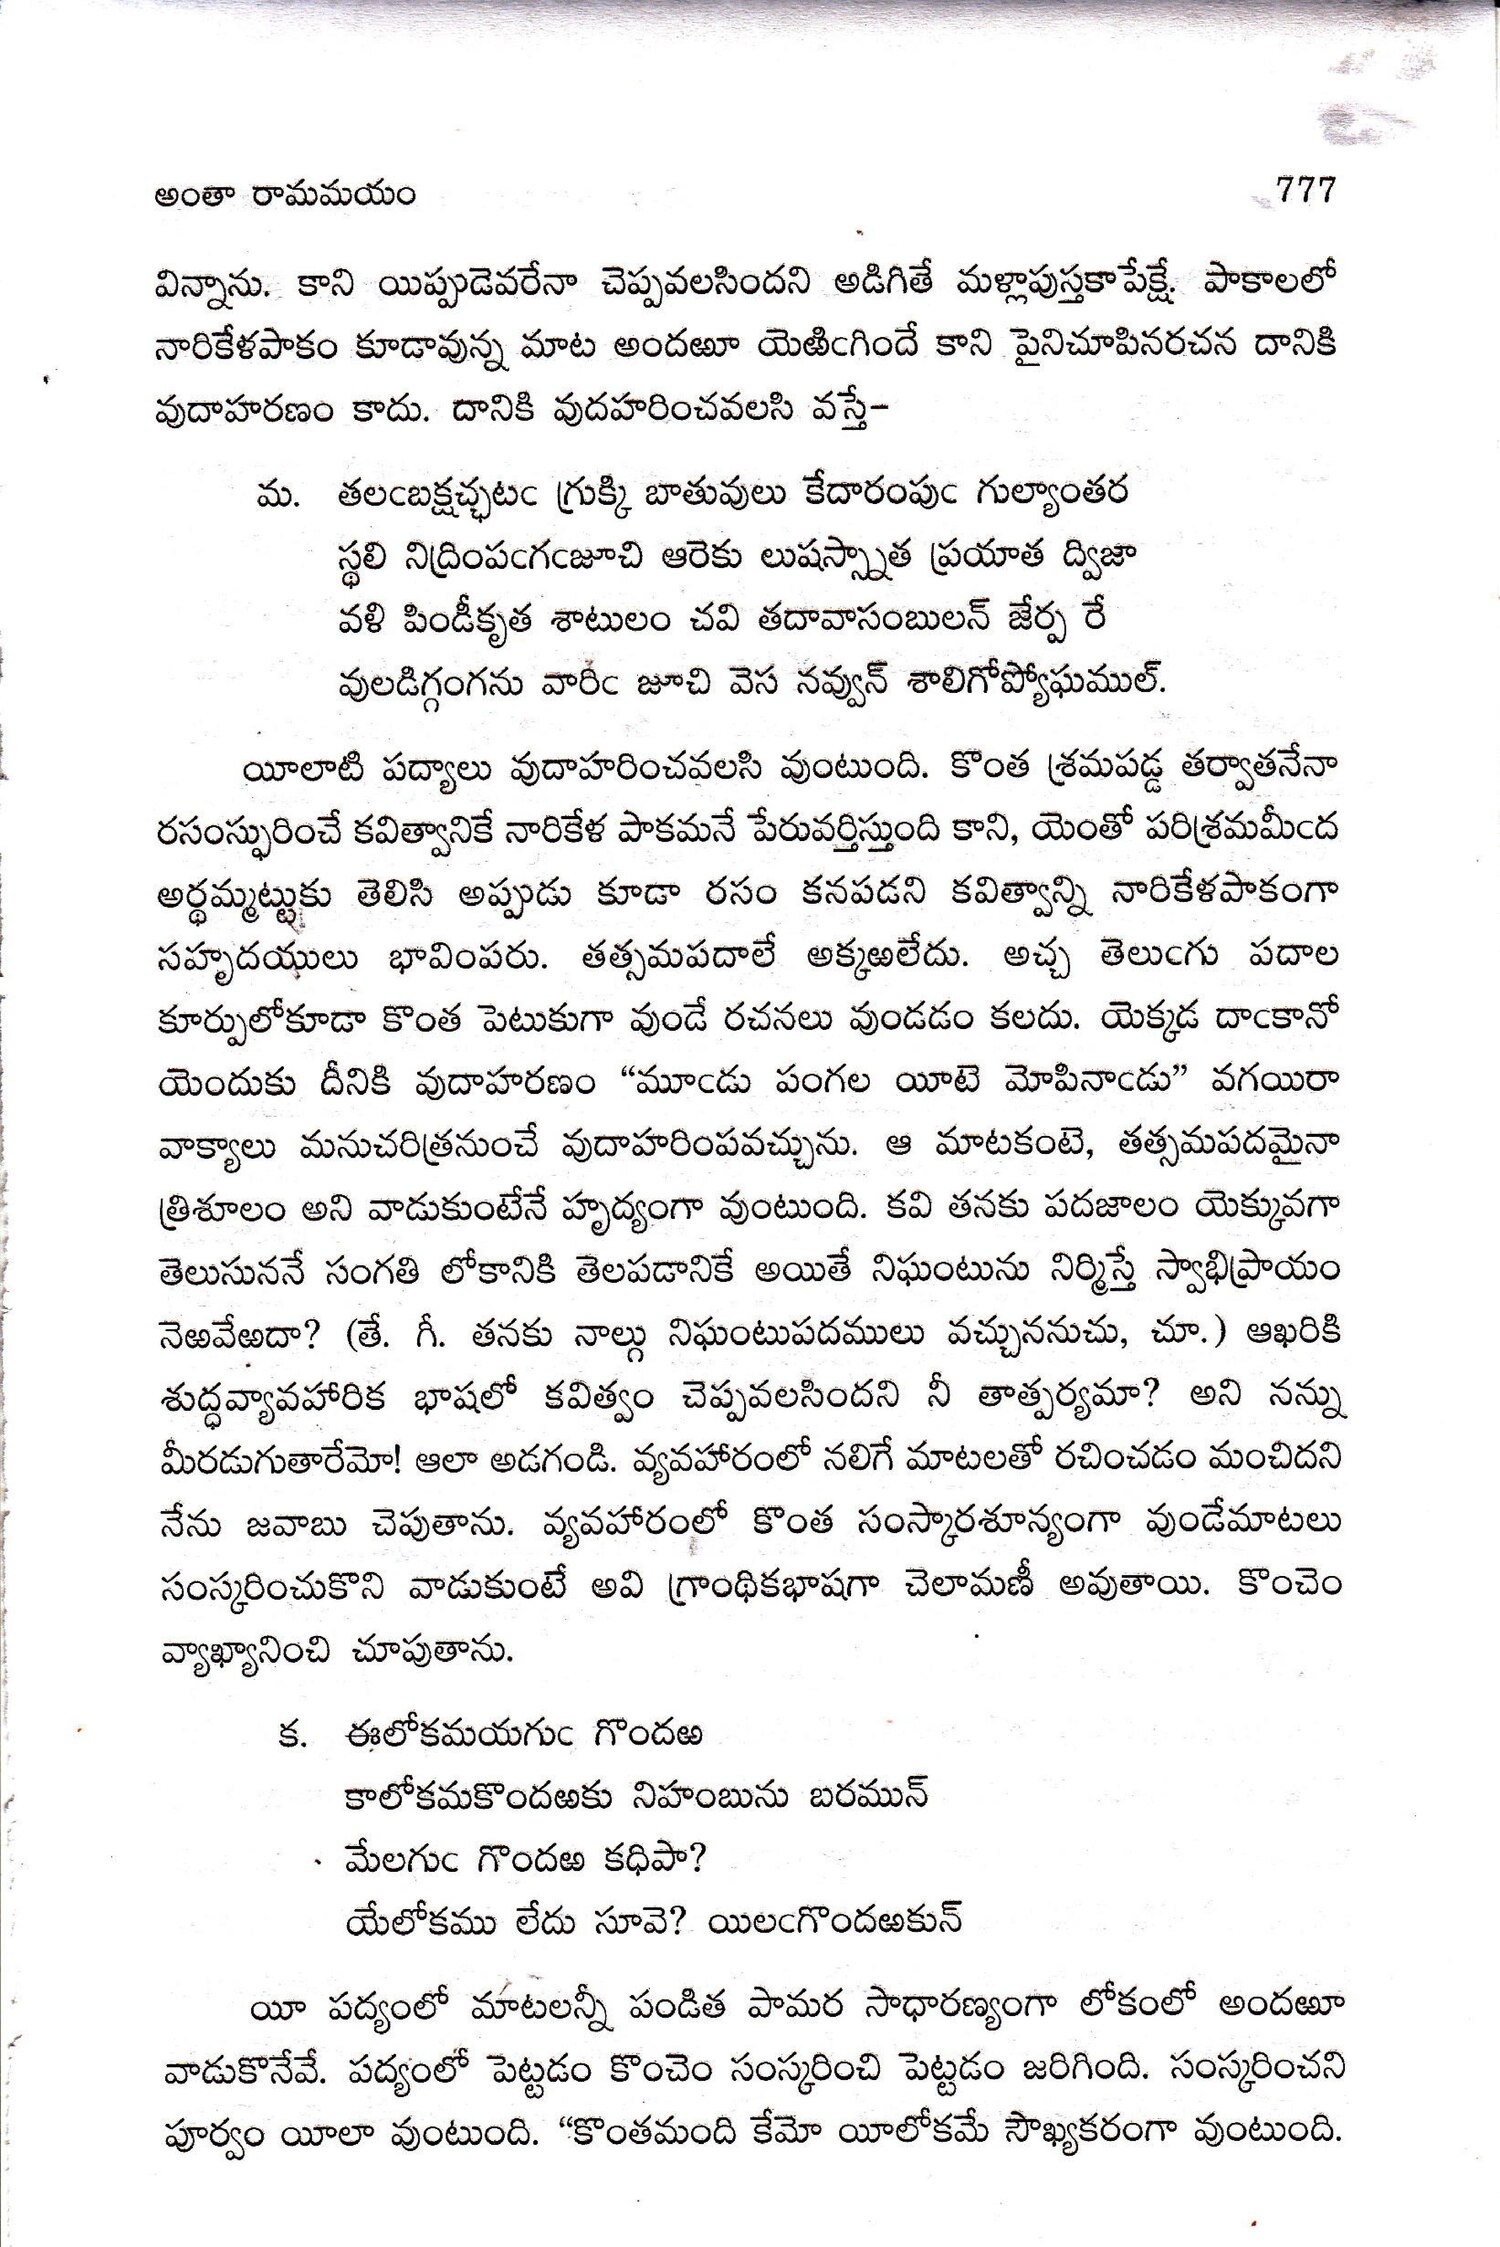విన్నాను. కాని యిప్పుడెవరేనా చెప్పవలసిందని అడిగితే మళ్లాపుస్తకాపేక్షే పాకాలలో నారికేళపాకం కూడావున్న మాట అందఱూ యెఱిఁగిందే కాని పైనిచూపినరచన దానికి వుదాహరణం కాదు. దానికి వుదహరించవలసి వస్తే-

మ. తలఁబక్షచ్చటఁ గ్రుక్కి బాతువులు కేదారంపుఁ గుల్యాంతర 
 స్థలి నిద్రింపఁగఁజూచి ఆరెకు లుషస్స్నాత ప్రయాత ద్విజా 
 వళి పిండీకృత శాటులం చవి తదావాసంబులన్ జేర్ప రే 
 వులడిగ్గంగను వారీఁ జూచి వెస నవ్వున్ శాలిగోప్యోఘముల్
యీలాటి పద్యాలు వుదాహరించవలసి వుంటుంది. కొంత శ్రమపడ్డ తర్వాతనేనా రసంస్ఫురించే కవిత్వానికే నారికేళ పాకమనే పేరువర్తిస్తుంది కాని, యెంతో పరిశ్రమమీఁద అర్థమ్మట్టుకు తెలిసి అప్పుడు కూడా రసం కనపడని కవిత్వాన్ని నారికేళపాకంగా సహృదయులు భావింపరు. తత్సమపదాలే అక్కఱలేదు. అచ్చ తెలుఁగు పదాల కూర్పులోకూడా కొంత పెటుకుగా వుండే రచనలు వుండడం కలదు. యెక్కడ దాcకానో యెందుకు దీనికి వుదాహరణం “మూఁడు పంగల యీటె మోపినాఁడు" వగయిరా వాక్యాలు మనుచరిత్రనుంచే వుదాహరింపవచ్చును. ఆ మాటకంటె, తత్సమపదమైనా త్రిశూలం అని వాడుకుంటేనే హృద్యంగా వుంటుంది. కవి తనకు పదజాలం యెక్కువగా తెలుసుననే సంగతి లోకానికి తెలపడానికే అయితే నిఘంటును నిర్మిస్తే స్వాభిప్రాయం నెఱవేఱదా? (తే, గీ. తనకు నాల్గు నిఘంటుపదములు వచ్చుననుచు, చూ.) ఆఖరికి శుద్ధవ్యావహారిక భాషలో కవిత్వం చెప్పవలసిందని నీ తాత్పర్యమా? అని నన్ను మీరడుగుతారేమో! ఆలా అడగండి. వ్యవహారంలో నలిగే మాటలతో రచించడం మంచిదని నేను జవాబు చెపుతాను. వ్యవహారంలో కొంత సంస్కారశూన్యంగా వుండేమాటలు సంస్కరించుకొని వాడుకుంటే అవి గ్రాంథికభాషగా చెలామణీ అవుతాయి. కొంచెం వ్యాఖ్యానించి చూపుతాను. -

క. ఈలోకమయగుఁ గొందఱ
 కాలోకమకొందఱకు నిహంబును బరమున్ 
 మేలగుఁ గొందఱ కధిపా? 
 యేలోకము లేదు సూవె? యిలఁగొందఱకున్
యీ పద్యంలో మాటలన్నీ పండిత పామర సాధారణ్యంగా లోకంలో అందఱూ వాడుకొనేవే. పద్యంలో పెట్టడం కొంచెం సంస్కరించి పెట్టడం జరిగింది. సంస్కరించని పూర్వం యీలా వుంటుంది. “కొంతమంది కేమో యీలోకమే సౌఖ్యకరంగా వుంటుంది.